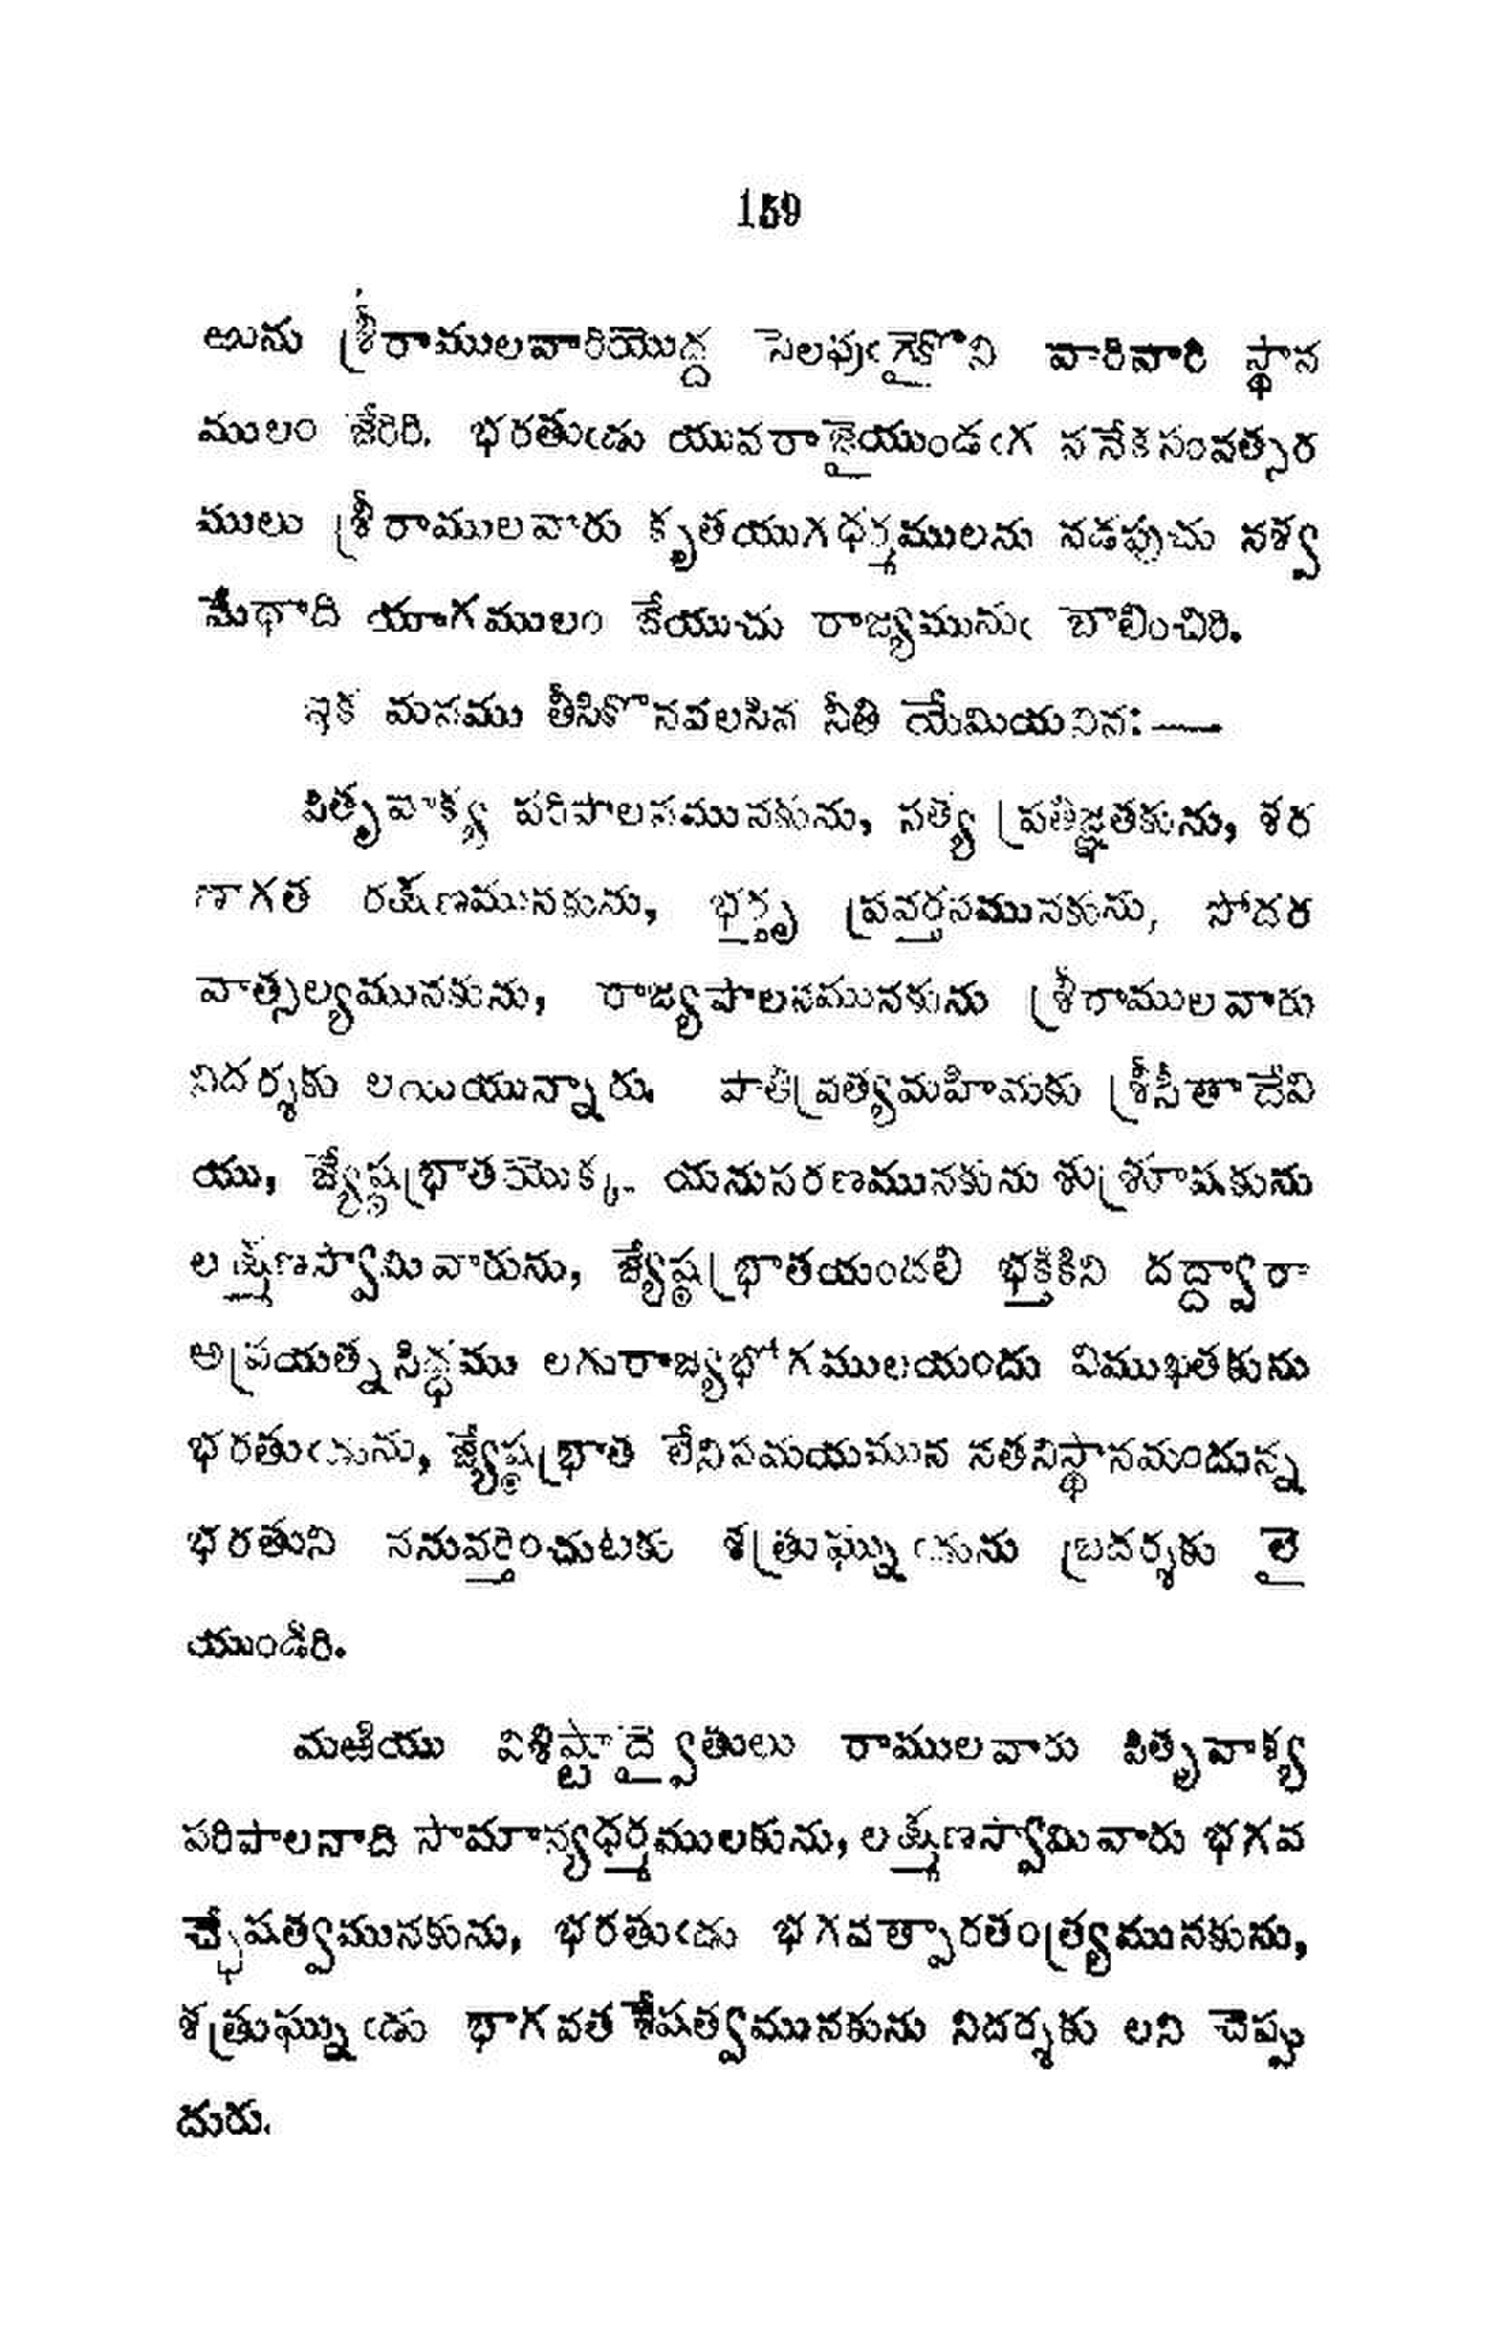ఱును శ్రీరాములవారియొద్ద సెలవుఁగైకొని వారివారి స్థానములం జేరిరి. భరతుఁడు యువరాజైయుండఁగ ననేకసంవత్సరములు శ్రీరాములవారు కృతయుగధర్మములను నడపుచు నశ్వమేథాది యాగములం చేయుచు రాజ్యమునుఁ బాలించిరి.

ఇక మనము తీసికొనవలసిన నీతి యేమియనిన:-

పితృవాక్య పరిపాలనమునకును, సత్య ప్రతిజ్ఞతకును, శరణాగత రక్షణమునకును, భర్తృ ప్రవర్తనమునకును, సోదర వాత్సల్యమునకును, రాజ్యపాలనమునకును శ్రీరాములవారు నిదర్శకు లయియున్నారు. పాతివ్రత్యమహిమకు శ్రీసీతాదేవియు, జ్యేష్ఠభ్రాతయొక్క. యనుసరణమునకును శుశ్రూషకును లక్ష్మణస్వామివారును, జ్యేష్ఠభ్రాతయందలి భక్తికిని దద్ద్వారా అప్రయత్నసిద్ధము లగురాజ్యభోగములయందు విముఖతకును భరతుఁడును, జ్యేష్ఠభ్రాత లేనిసమయమున నతనిస్థానమందున్న భరతుని ననువర్తించుటకు శత్రుఘ్నుఁడును బ్రదర్శకు లై యుండిరి.

మఱియు విశిష్టాద్వైతులు రాములవారు పితృవాక్య పరిపాలనాది సామాన్యధర్మములకును, లక్ష్మణస్వామివారు భగవచ్ఛేషత్వమునకును, భరతుఁడు భగవత్పారతంత్ర్యమునకును, శత్రుఘ్నుఁడు భాగవతశేషత్వమునకును నిదర్శకులని చెప్పుదురు.